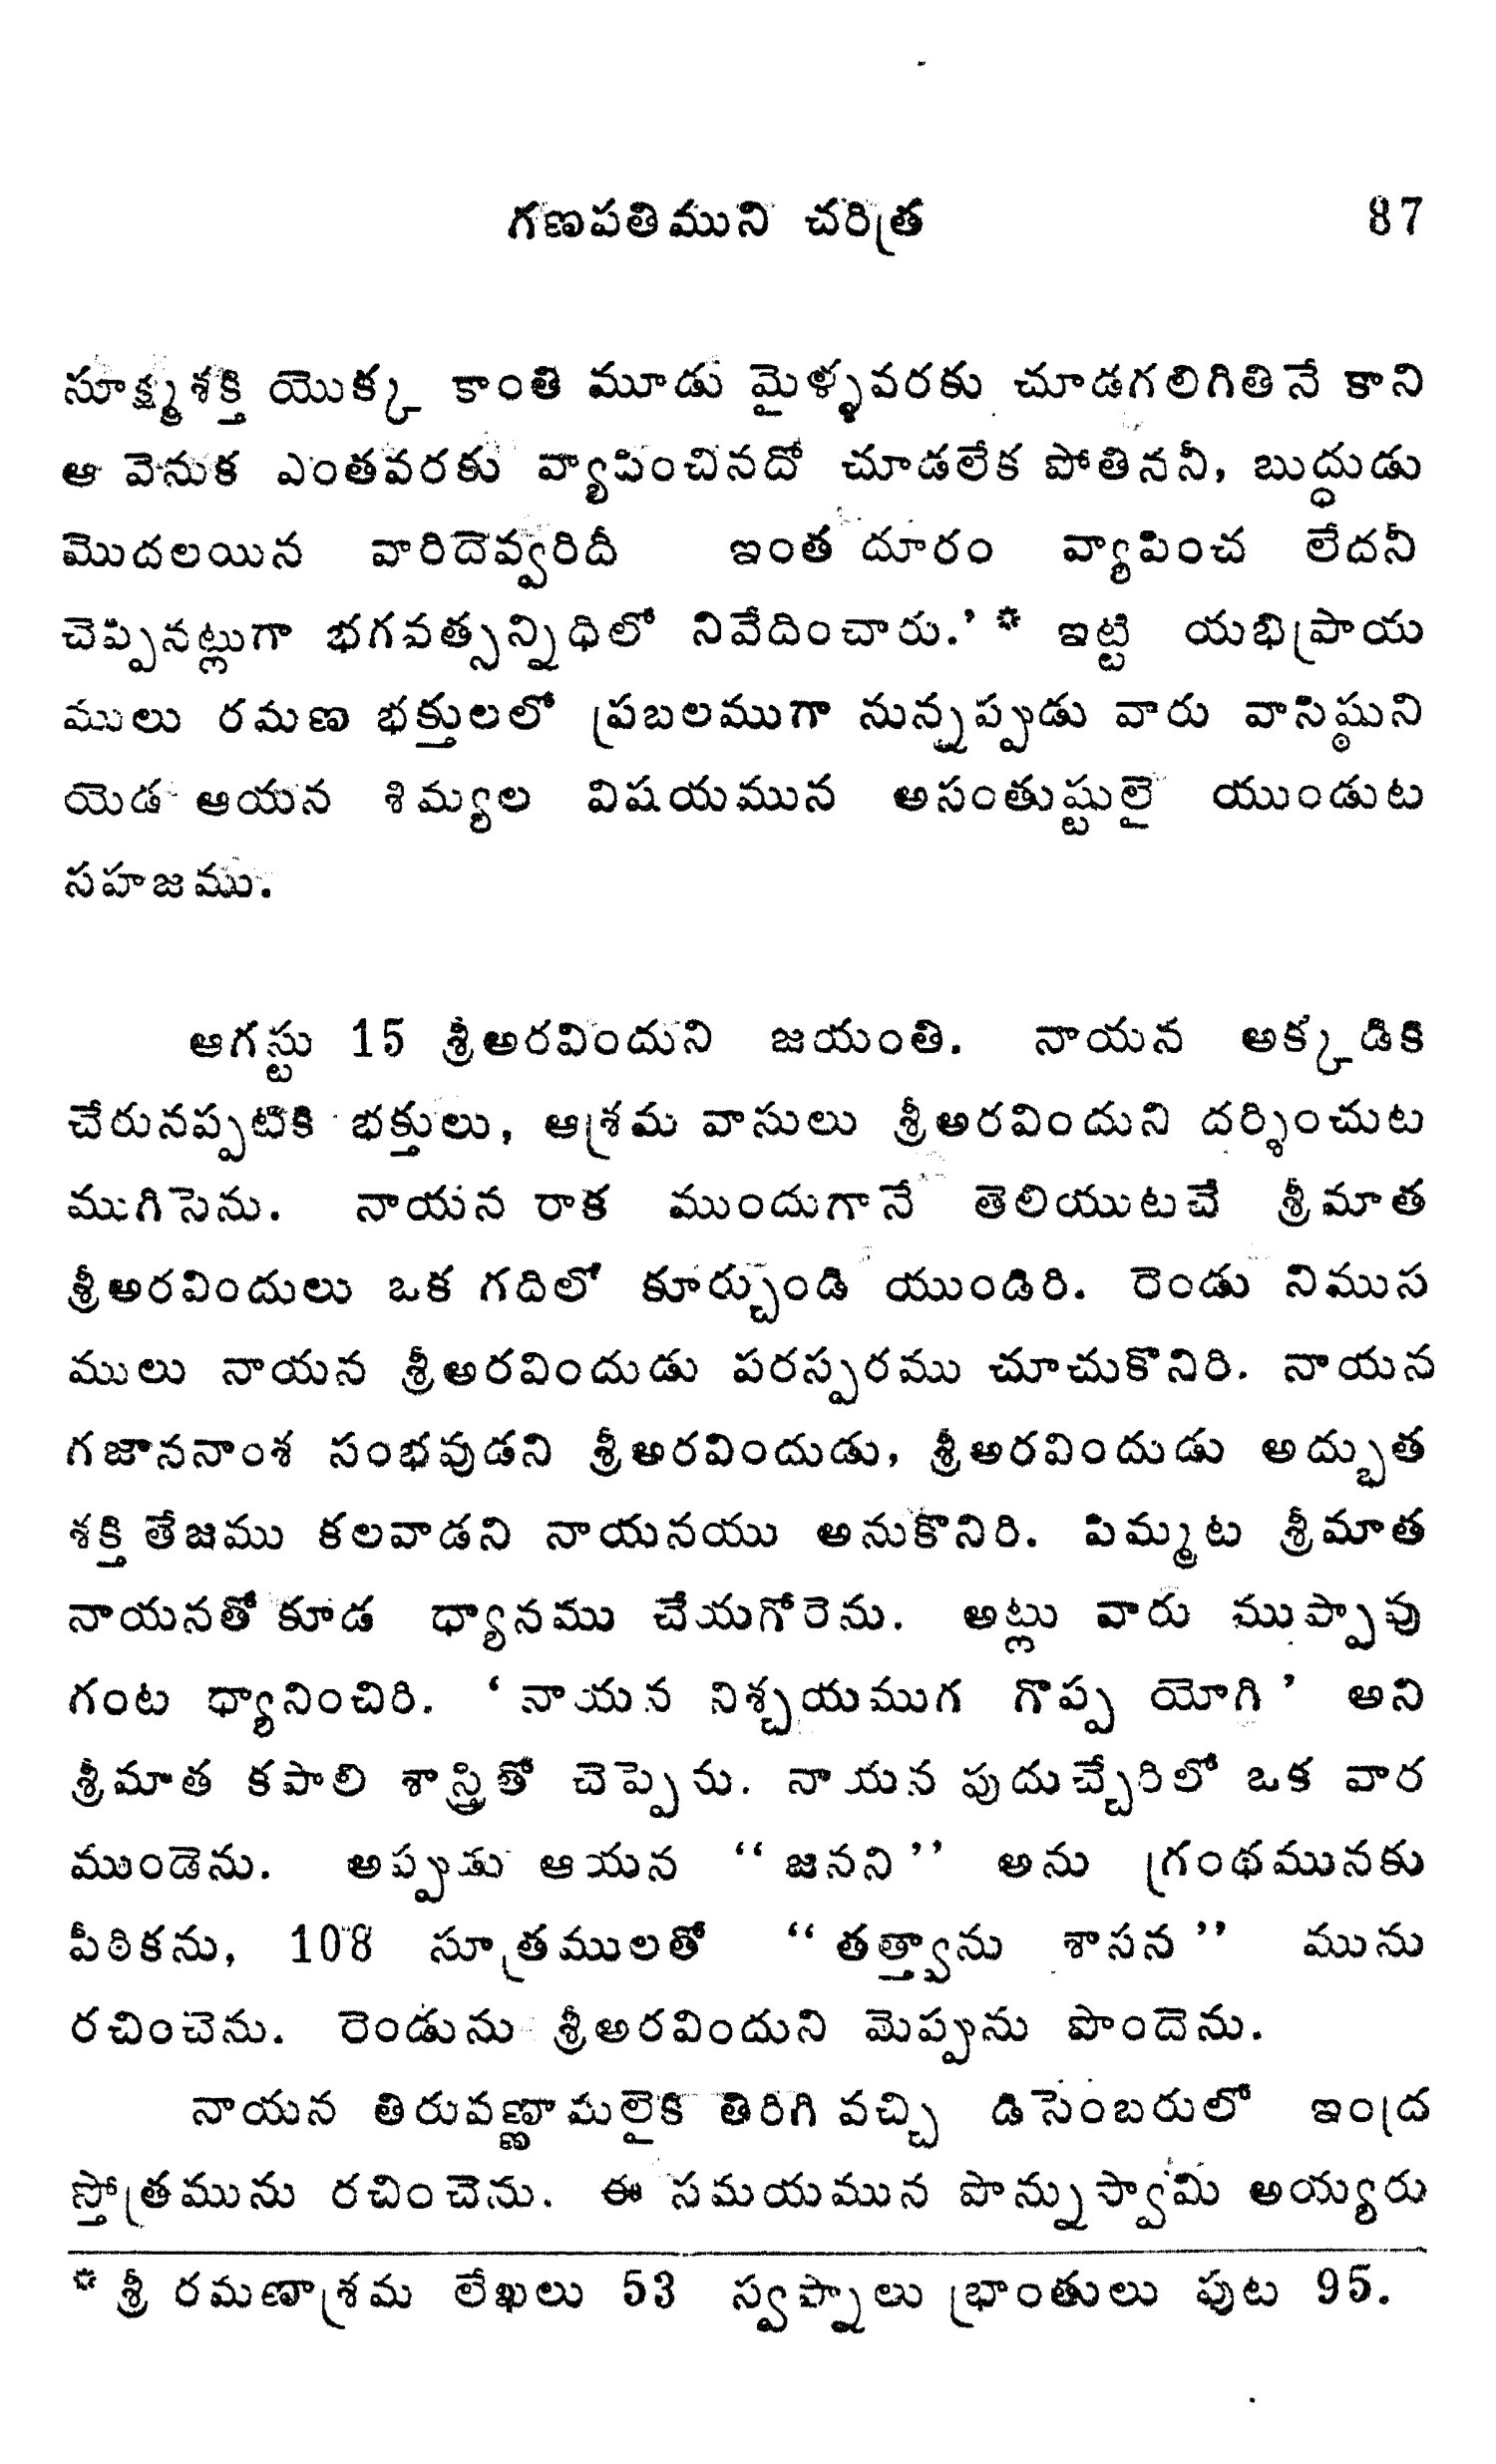సూక్ష్మశక్తి యొక్క కాంతి మూడు మైళ్ళవరకు చూడగలిగితినే కాని ఆ వెనుక ఎంతవరకు వ్యాపించినదో చూడలేక పోతిననీ, బుద్దుడు మొదలయిన వారిదెవ్వరిదీ ఇంత దూరం వ్యాపించ లేదనీ చెప్పినట్లుగా భగవత్సన్నిధిలో నివేదించారు.' ఇట్టి యభిప్రాయములు రమణ భక్తులలో ప్రబలముగా నున్నప్పుడు వారు వాసిష్ఠుని యెడ ఆయన శిష్యుల విషయమున అసంతుష్టులై యుండుట సహజము.

ఆగష్టు 15 శ్రీఅరవిందుని జయంతి. నాయన అక్కడికి చేరునప్పటికి భక్తులు, ఆశ్రమ వాసులు శ్రీఅరవిందుని దర్శించుట ముగిసెను. నాయన రాక ముందుగానే తెలియుటచే శ్రీమాత శ్రీఅరవిందులు ఒక గదిలో కూర్చుండి యుండిరి. రెండు నిముసములు నాయన శ్రీఅరవిందుడు పరస్పరము చూచుకొనిరి. నాయన గజాననాంశ సంభవుడని శ్రీఅరవిందుడు. శ్రీఅరవిందుడు అద్బుత శక్తి తేజము కలవాడని నాయనయు అనుకొనిరి. పిమ్మట శ్రీమాత నాయనతో కూడ ధ్యానము చేయగోరెను. అట్లు వారు ముప్పావు గంట ధ్యానించిరి. 'నాయన నిశ్చయముగ గొప్ప యోగి' అని శ్రీమాత కపాలి శాస్త్రితో చెప్పెను. నాయన పుదుచ్చేరిలో ఒక వారముండెను. అప్పుడు ఆయన "జనని" అను గ్రంథమునకు పీఠికను, 108 సూత్రములతో "తత్త్వాను శాసన" మును రచించెను. రెండును శ్రీఅరవిందుని మెప్పును పొందెను.

నాయన తిరువణ్ణామలైకి తిరిగి వచ్చి డిసెంబరులో ఇంద్ర స్తోత్రమును రచించెను. ఈ సమయమున పొన్నుస్వామి అయ్యరు